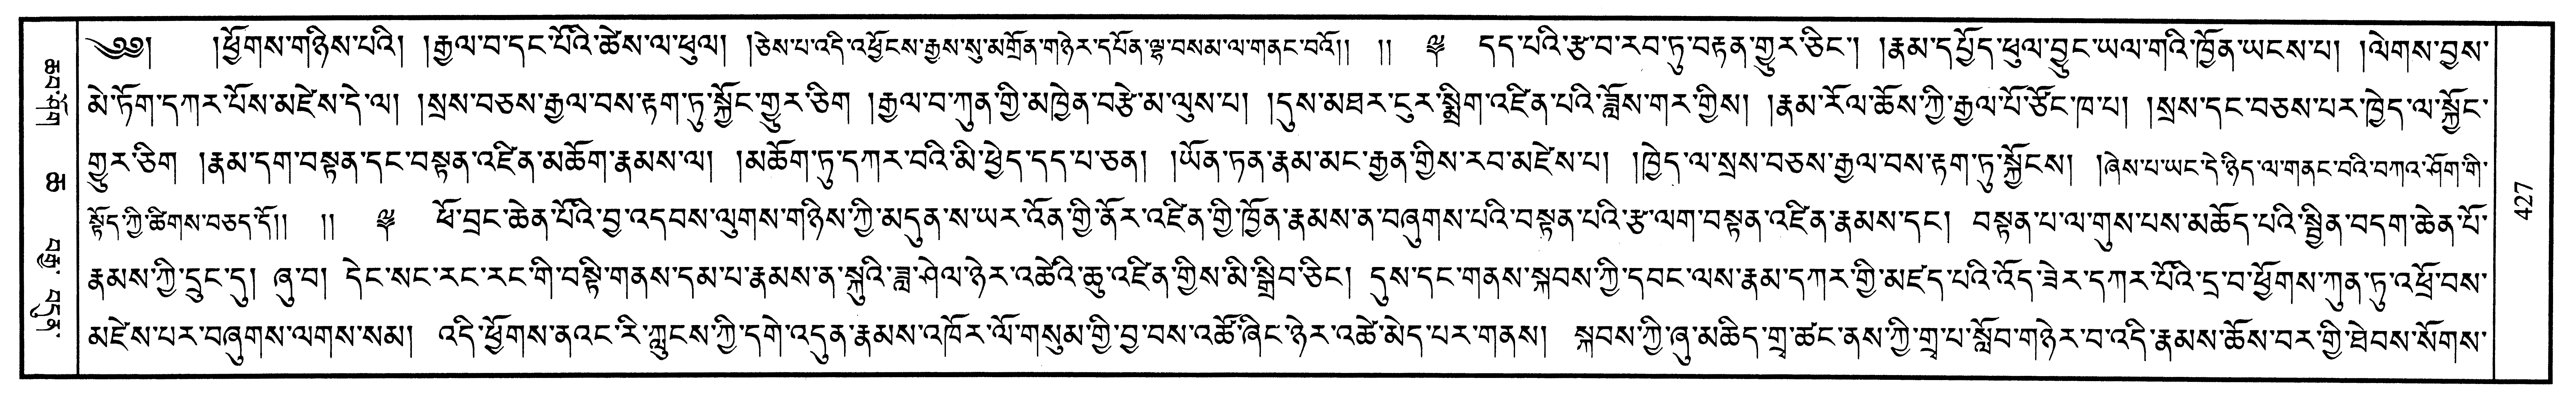༄༅། །ཕྱོགས་གཉིས་པའི། །རྒྱལ་བ་དང་པོའི་ཚེས་ལ་ཕུལ། །ཅེས་པ་འདི་འཕྱོངས་རྒྱས་སུ་མགྲོན་གཉེར་དཔོན་ལྷ་བསམ་ལ་གནང་བའོ།། །། ༈ དད་པའི་རྩ་བ་རབ་ཏུ་བརྟན་གྱུར་ཅིང་། །རྣམ་དཔྱོད་ཕུལ་བྱུང་ཡལ་གའི་ཁྱོན་ཡངས་པ། །ལེགས་བྱས་
མེ་ཏོག་དཀར་པོས་མཛེས་དེ་ལ། །སྲས་བཅས་རྒྱལ་བས་རྟག་ཏུ་སྐྱོང་གྱུར་ཅིག །རྒྱལ་བ་ཀུན་གྱི་མཁྱེན་བརྩེ་མ་ལུས་པ། །དུས་མཐར་ངུར་སྨྲིག་འཛིན་པའི་ཟློས་གར་གྱིས། །རྣམ་རོལ་ཆོས་ཀྱི་རྒྱལ་པོ་ཙོང་ཁ་པ། །སྲས་དང་བཅས་པར་ཁྱེད་ལ་སྐྱོང་
གྱུར་ཅིག །རྣམ་དག་བསྟན་དང་བསྟན་འཛིན་མཆོག་རྣམས་ལ། །མཆོག་ཏུ་དཀར་བའི་མི་ཕྱེད་དད་པ་ཅན། །ཡོན་ཏན་རྣམ་མང་རྒྱན་གྱིས་རབ་མཛེས་པ། །ཁྱེད་ལ་སྲས་བཅས་རྒྱལ་བས་རྟག་ཏུ་སྐྱོངས། །ཞེས་པ་ཡང་དེ་ཉིད་ལ་གནང་བའི་བཀའ་ཤོག་གི་
སྟོད་ཀྱི་ཚིགས་བཅད་དོ།། །། ༈ ཕོ་བྲང་ཆེན་པོའི་བྱ་འདབས་ལུགས་གཉིས་ཀྱི་མདུན་ས་ཡར་འོན་གྱི་ནོར་འཛིན་གྱི་ཁྱོན་རྣམས་ན་བཞུགས་པའི་བསྟན་པའི་རྩ་ལག་བསྟན་འཛིན་རྣམས་དང་། བསྟན་པ་ལ་གུས་པས་མཆོད་པའི་སྦྱིན་བདག་ཆེན་པོ་
རྣམས་ཀྱི་དྲུང་དུ། ཞུ་བ། དེང་སང་རང་རང་གི་བསྟི་གནས་དམ་པ་རྣམས་ན་སྐུའི་ཟླ་ཤེལ་ཉེར་འཚེའི་ཆུ་འཛིན་གྱིས་མི་སྒྲིབ་ཅིང་། དུས་དང་གནས་སྐབས་ཀྱི་དབང་ལས་རྣམ་དཀར་གྱི་མཛད་པའི་འོད་ཟེར་དཀར་པོའི་དྲ་བ་ཕྱོགས་ཀུན་ཏུ་འཕྲོ་བས་
མཛེས་པར་བཞུགས་ལགས་སམ། འདི་ཕྱོགས་ནའང་རི་ཀླུངས་ཀྱི་དགེ་འདུན་རྣམས་འཁོར་ལོ་གསུམ་གྱི་བྱ་བས་འཚོ་ཞིང་ཉེར་འཚེ་མེད་པར་གནས། སྐབས་ཀྱི་ཞུ་མཆིད་གྲྭ་ཚང་ནས་ཀྱི་གྲྭ་པ་སློབ་གཉེར་བ་འདི་རྣམས་ཆོས་བར་གྱི་ཐེབས་སོགས་